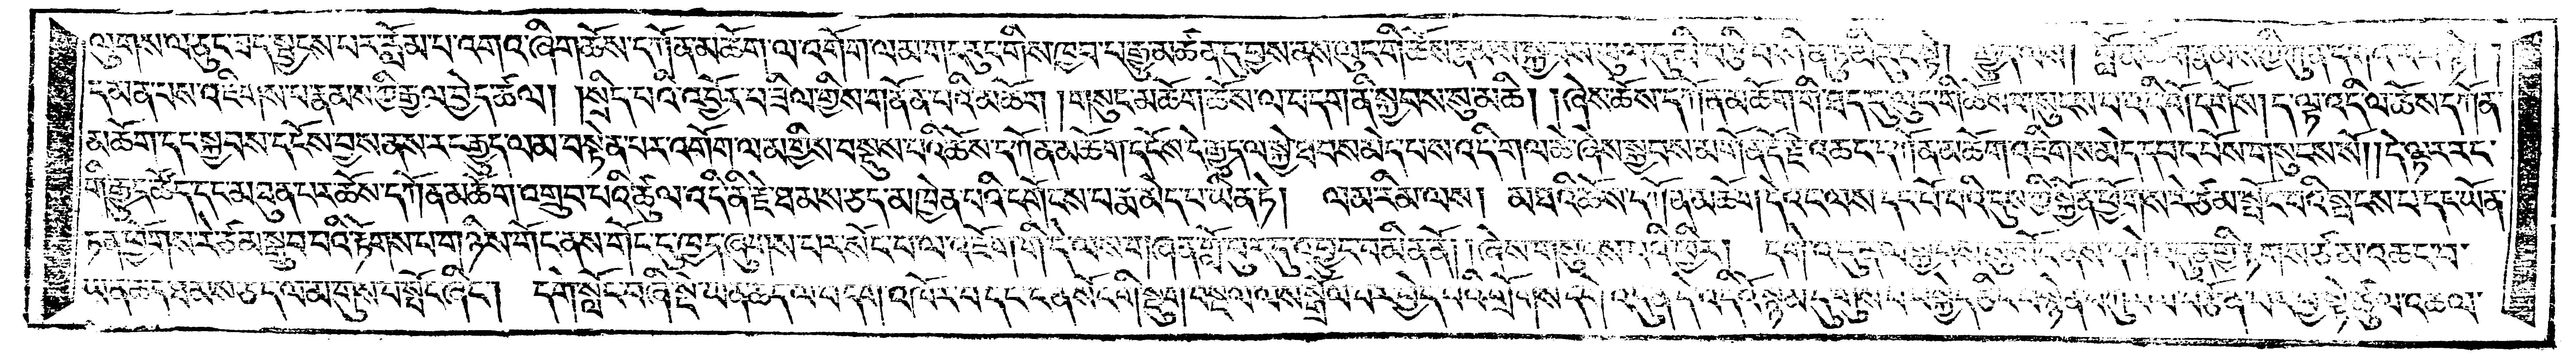ལུགས་ལ་ཅུང་ཟད་སྦྱངས་པར་རློམ་པ་འགའ་ཞིག་ཆོས་དཀོན་མཆོག་ལ་འགོག་ལམ་གང་རུང་གིས་ཁྱབ་པ་རྒྱུ་མཚེན་དུ་བྱས་ནས་ལུང་གི་ཆོས་རྣམས་སྐྱབས་ཡུལ་དུ་མི་བརྩི་བ་ཤིན་ཏུ་མི་རུང་སྟེ། །རྒྱུད་ལས། བློ་མཆོག་རྣམས་ཀྱི་ཀུན་དགའ་ར་བ་སྟེ། །
དམན་པས་འཇིགས་པ་རྣམས་ཀྱི་རྒྱལ་བྱེད་ཚལ། །སྲིད་པའི་འབྱོར་པ་ཟིལ་གྱིས་གནོན་པའི་མཆོག །གསུང་མཆོག་ཆོས་ལ་བདག་ནི་སྐྱབས་སུ་མཆི། །ཞེས་ཆོས་དཀོན་མཆོག་གི་ཐད་དུ་ལུང་གི་ཆོས་གསུངས་པ་འདི་གོ་དགོས། ད་ལྟ་འདི་ལ་ཆོས་དཀོན་
མཆོག་དང་སྐྱབས་དངོས་བྱས་ནས་རང་རྒྱུད་ལམ་བསྟེན་པར་འགོག་ལམ་གྱིས་བསྡུས་པའི་ཆོས་དཀོན་མཆོག་དངོས་དེ་རྒྱུད་ལ་སྐྱེ་ཐབས་མེད་པས་འདི་གལ་ཆེ་ཞེས་སྐྱབས་མགོན་རྡོ་རྗེ་འཆང་དཀོན་མཆོག་འཇིགས་མེད་དབང་པོས་གསུངས་སོ། །དེ་ལྟར་རང་
གི་རྒྱུད་ཚོད་དང་མཐུན་པར་ཆོས་དཀོན་མཆོག་འགྲུབ་པའི་ཚུལ་འདི་ནི་རྗེ་ཐམས་ཅད་མཁྱེན་པའི་དགོངས་པ་རྨ་མེད་པ་ཡིན་ཏེ། ལམ་རིམ་ལས། མཐའི་ཆོས་དཀོན་མཆོག་དེའང་ལས་དང་པོ་པའི་དུས་ཀྱི་སྐྱོན་ཕྱོགས་རེ་ཙམ་སྤོང་བའི་སྤངས་པ་དང་ཡོན་
ཏན་ཕྱོགས་རེ་ཙམ་སྒྲུབ་པའི་རྟོགས་པ་གཉིས་གོང་ནས་གོང་དུ་ཁྱད་ཞུགས་པར་སོང་བ་ལ་འཇོག་གི་དེ་ལས་གཞན་གློ་བུར་དུ་འབྱུང་བ་མིན་ནོ། །ཞེས་གསུངས་པའི་ཕྱིར། དགེ་འདུན་ལ་སྐྱབས་སུ་སོང་ནས་དགེ་འདུན་གྱི་རྟགས་ཙམ་འཆང་བ་
ཡན་ཆད་ཐམས་ཅད་ལ་མ་གུས་པ་སྤོང་ཞིང་། དགེ་སློང་བཞི་སྡེ་ཡན་ཆད་ལ་བདག་འཁོར་བ་དང་ངན་སོང་གི་སྡུག་བསྔལ་ལས་སྒྲོལ་བར་བྱེད་པའི་གྲོགས་དགེ་འདུན་དེ་འདིའོ་སྙམ་དུ་གུས་པ་བསྐྱེད་ཅིང་བསྙེན་བཀུར་ལ་བརྩོན་པར་བྱ་སྟེ་ཚུལ་འཆལ་